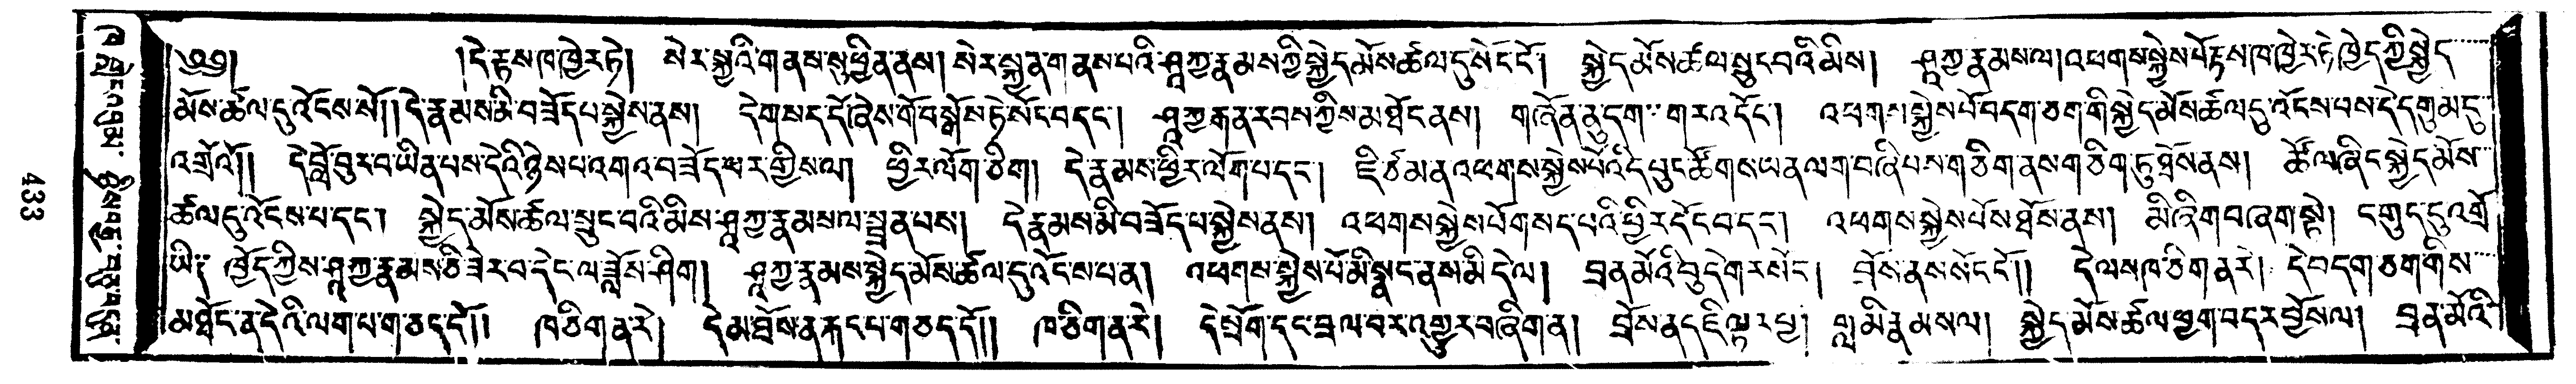༄༅། །དེ་རྟས་ཁ་ཁྱེར་ཏེ། སེར་སྐྱའི་གནས་སུ་ཕྱིན་ནས། སེར་སྐྱན་གནས་པའི་ཤཱཀྱ་རྣམས་ཀྱི་སྐྱེད་མོས་ཚལ་དུ་སོང་ངོ། སྐྱེད་མོས་ཚལ་སྲུང་བའི་མིས། ཤཱཀྱ་རྣམས་ལ། འཕགས་སྐྱེས་པོ་རྟས་ཁ་ཁྱེར་ཏེ་ཁྱེད་ཀྱི་སྐྱེད་
མོས་ཚལ་དུ་འོངས་སོ། །དེ་རྣམས་མི་བཟོད་པ་སྐྱེས་ནས། དེ་གསད་དོ་ཞེས་གོ་བསྒོས་ཏེ་སོང་བ་དང་། ཤཱཀྱ་རྒན་རབས་ཀྱིས་མཐོང་ནས། གཞོན་ནུ་དག་གར་འདོང་། འཕགས་སྐྱེས་པོ་བདག་ཅག་གི་སྐྱེད་མོས་ཚལ་དུ་འོངས་པས་དེ་དགུ་མདུ་
འགྲོའོ།། དེ་བློ་བུར་བ་ཡིན་པས་དེའི་ཉེས་པ་འགའ་བཟོད་པར་གྱིས་ལ། ཕྱིར་ལོག་ཅིག། དེ་རྣམས་ཕྱིར་ལོག་པ་དང་། ཇི་ཙམ་ན་འཕགས་སྐྱེས་པོའི་དབུང་ཚོགས་ཡན་ལག་བཞི་པས་གཅིག་ནས་གཅིག་ཏུ་ཐོས་ནས། ཚོལ་ཞིང་སྐྱེད་མོས་
ཚལ་དུ་འོངས་པ་དང་། སྐྱེད་མོས་ཚལ་སྲུང་བའི་མིས་ཤཱཀྱ་རྣམས་ལ་སྦྲན་པས། དེ་རྣམས་མི་བཟོད་པ་སྐྱེས་ནས། འཕགས་སྐྱེས་པོ་གསད་པའི་ཕྱིར་དོང་བ་དང་། འཕགས་སྐྱེས་པོས་ཐོས་ནས། མི་ཞིག་བཞག་སྟེ། དགུད་དུ་འགྲོ་
ཡི༑ ཁྱོད་ཀྱིས་ཤཱཀྱ་རྣམས་ཅི་ཟེར་བ་དེང་ལ་ཟློས་ཤིག། ཤཱཀྱ་རྣམས་སྐྱེད་མོས་ཚལ་དུ་འོང་ས་པ་ན། འཕགས་སྐྱེས་པོ་མི་སྣང་ནས་མི་དེ་ལ། བྲན་མོའི་བུ་དེ་གར་སོང་། བྲོས་ནས་སོང་ངོ། །དེ་ལས་ཁ་ཅིག་ན་རེ། དེ་བདག་ཅག་གིས་
མཐོང་ན་དེའི་ལག་པ་ག་ཅད་དོ།། ཁ་ཅིག་ན་རེ། དེ་མ་ཐོས་ན་རྐང་པ་གཅད་དོ།། ཁ་ཅིག་ན་རེ། དེ་སྲོག་དང་བྲལ་བར་འགྱུར་བཞིག་ན། བྲོས་ནད་ཇི་ལྟར་བྱ། གླ་མི་རྣམས་ལ། སྐྱེད་མོས་ཚལ་ཕྱག་བདར་བྱོས་ལ། བྲན་མོའི་